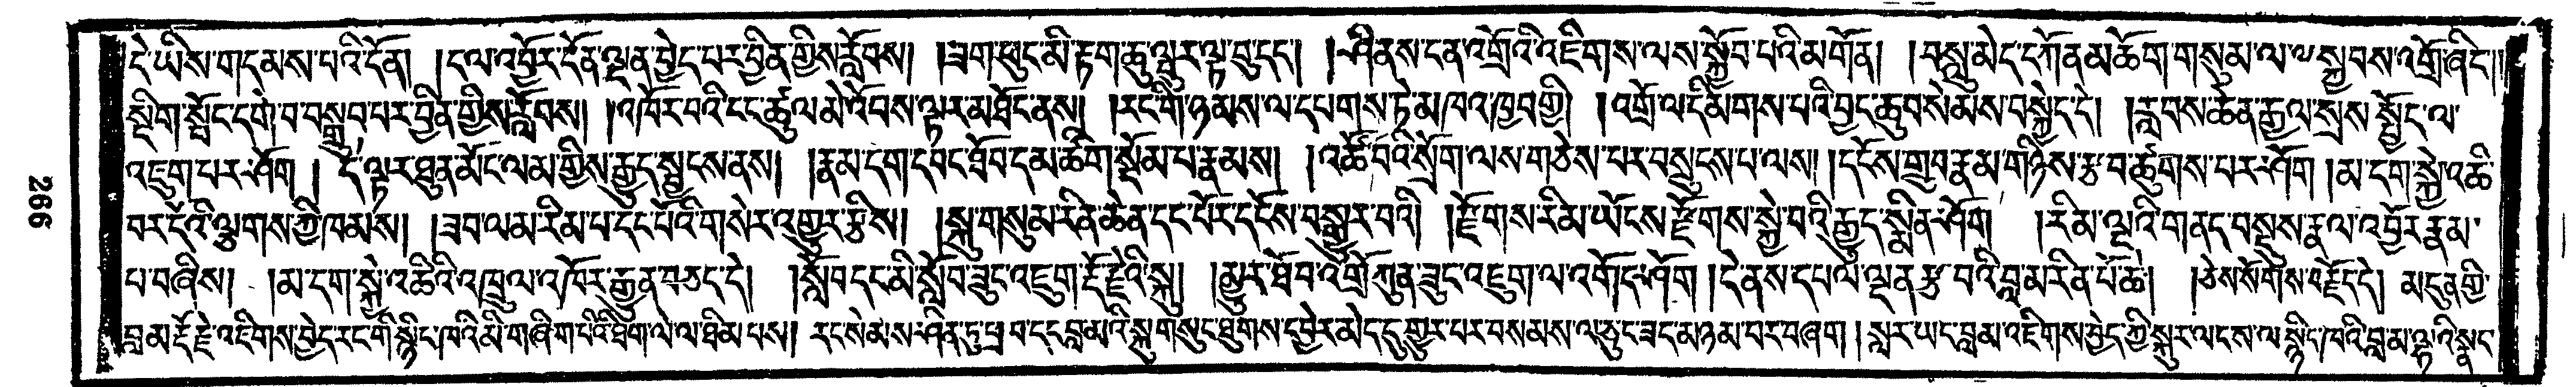དེ་ཡིས་གདམས་པའི་དོན། །དལ་འབྱོར་དོན་ལྡན་བྱེད་པར་བྱིན་གྱིས་རློབས། །ཟག་ཕུང་མི་རྟག་ཆུ་ལྦུར་ལྟ་བུ་དང་། །ཤི་ནས་ངན་འགྲོའི་འཇིགས་ལས་སྐྱོབ་པའི་མགོན། །བསླུ་མེད་དཀོན་མཆོག་གསུམ་ལ་༧་སྐྱབས་འགྲོ་ཞིང་།
སྡིག་སྤོང་དགེ་བ་བསྒྲུབ་པར་བྱིན་གྱིས་རློབས། །འཁོར་བའི་ངང་ཚུལ་མེ་འབོས་ལྟར་མཐོང་ནས། །རང་གི་ཉམས་ལ་དཔགས་ཏེ་མཁའ་ཁྱབ་གྱི། །འགྲོ་ལ་དམིགས་པའི་བྱང་ཆུབ་སེམས་བསྐྱེད་དེ། །རླབས་ཆེན་རྒྱལ་སྲས་སྤྱོད་ལ་
འཇུག་པར་ཤོག །དེ་ལྟར་ཐུན་མོང་ལམ་གྱིས་རྒྱུད་སྦྱངས་ནས། །རྣམ་དག་དབང་ཐོབ་དམ་ཚིག་སྡོམ་པ་རྣམས། །འཚོ་བའི་སྲོག་ལས་གཅེས་པར་བསྲུངས་པ་ལས། །དངོས་གྲུབ་རྣམ་གཉིས་རྩ་བ་ཚུགས་པར་ཤོག །མ་དག་སྐྱེ་འཆི་
བར་དོའི་ལྕགས་ཀྱི་ཁམས། །ཟབ་ལམ་རིམ་པ་དང་པོའི་གསེར་འགྱུར་རྩིས། །སྐུ་གསུམ་རིན་ཆེན་དང་པོར་དངོས་བསྒྱུར་བའི། །རྫོགས་རིམ་ཡོངས་རྫོགས་སྐྱེ་བའི་རྒྱུད་སྨིན་ཤོག །རིམ་ལྔའི་གནད་བསྡུས་རྣལ་འབྱོར་རྣམ་
པ་བཞིས། །མ་དག་སྐྱེ་འཆིའི་འཁྲུལ་འཁོར་རྒྱུན་བཅད་དེ། །སློབ་དང་མི་སློབ་ཟུང་འཇུག་རྡོ་རྗེའི་སྐུ། །མྱུར་ཐོབ་འགྲོ་ཀུན་ཟུང་འཇུག་ལ་འགོད་ཤོག །དེ་ནས་དཔལ་ལྡན་རྩ་བའི་བླ་མ་རིན་པོ་ཆེ། །ཅེས་སོགས་བརྗོད་དེ། མདུན་གྱི་
བླ་མ་རྡོ་རྗེ་འཇིགས་བྱེད་རང་གི་སྙིང་ཁའི་མི་གཞིག་པའི་ཐིག་ལ་ལ་ཐིམ་པས། རང་སེམས་ཤིན་ཏུ་ཕྲ་བ་དང་བླ་མའི་སྐུ་གསུང་ཐུགས་དབྱེར་མེད་དུ་གྱུར་པར་བསམས་ལ་ཅུང་ཟད་མཉམ་བར་བཞག །སླར་ཡང་བླ་མ་འཇིགས་བྱེད་ཀྱི་སྐུར་ལངས་ལ་སྙིང་ཁའི་བླ་མ་ལྷའི་སྣང་